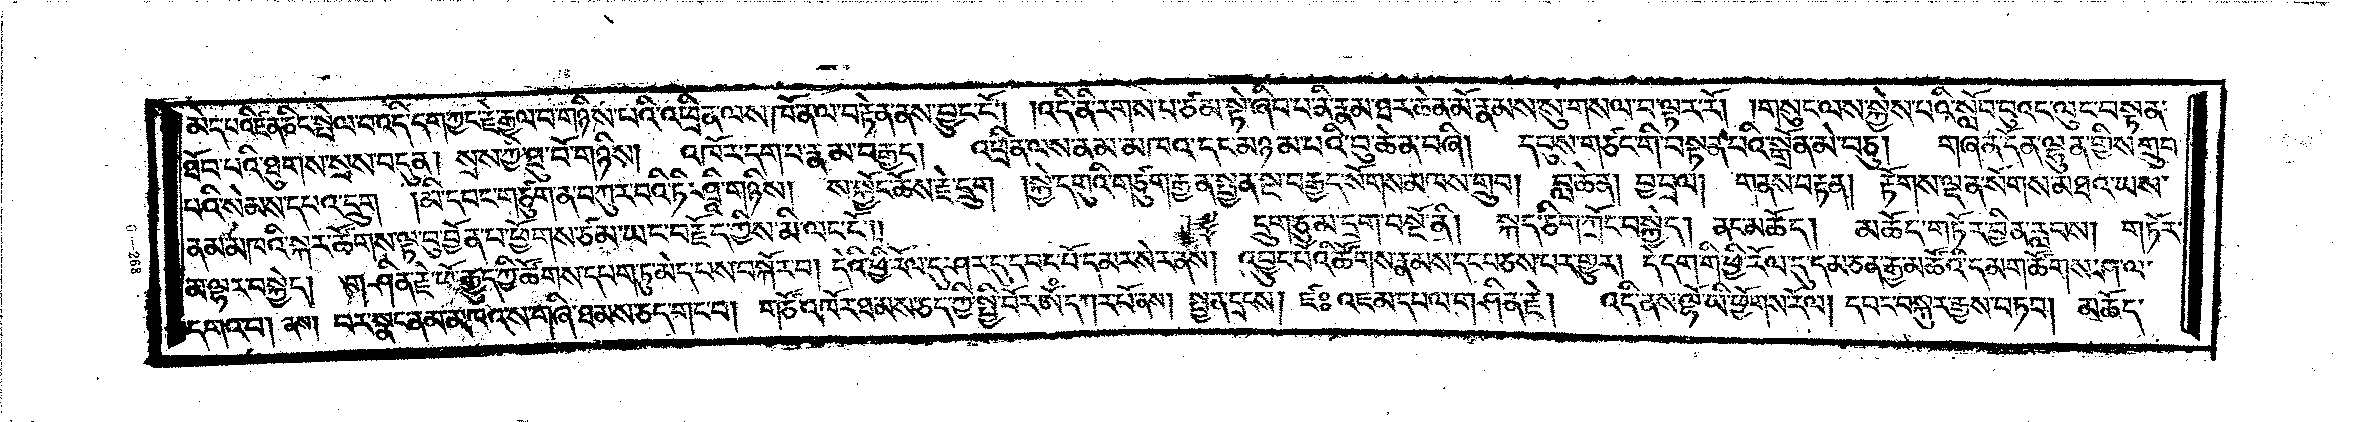མེད་པའི་འཛིན་ཅིང་སྤེལ་བ་འདི་དག་ཀྱང་རྗེ་རྒྱལ་བ་གཉིས་པའི་འཕྲིན་ལས་ཁོ་ན་ལ་བརྟེན་ལས་བྱུང་ངོ། །འདི་ནི་རགས་པ་ཙམ་སྟེ་ཞིབ་པ་ནི་རྣམ་ཐར་ཆེན་མོ་རྣམས་སུ་གསལ་བ་ལྟར་རོ། །གསུང་ལས་སྐྱེས་པའི་སློབ་བུའང་ལུང་བསྟན་
ཐོབ་པའི་ཐུགས་སྲས་བདུན། སྲས་ཀྱི་ཐུ་བོ་གཉིས། འཁོར་དག་པ་རྣམས་བརྒྱད། འཕྲིན་ལས་ནམ་མཁའ་དང་མཉམ་པའི་བུ་ཆེན་བཞི། དབུས་གཙང་གི་བསྟན་པའི་སྒྲོན་མེ་བཅུ། གཞན་དོན་ལྷུན་གྱིས་གྲུབ་
པའི་སེམས་དཔའ་དྲུག །མི་དབང་གཙུག་ན་བཀུར་པའི་ཏི་ཤྲིའི་གཉིས། ས་སྐྱོང་ཆོས་རྗེ་དྲུག །སྐྱེ་དགུའི་གཙུག་རྒྱན་སྤྱན་སྔ་བརྒྱད་སོགས་མཁས་གྲུབ། བླ་ཆེན། བྱ་བྲལ། གནས་བརྟན། རྟོགས་ལྡན་སོགས་མཐའ་ཡས་
ནམ་མཁའི་སྐར་ཚོགས་ལྟ་བུ་བྱོན་པ་ཕྱོགས་ཙམ་ཡང་བརྗོད་ཀྱིས་མི་ལང་ངོ།། །།༈ དྲུག་ཅུ་མ་དྲག་བསྔོ་ནི། སྐད་ཅིག་ཀྲོང་བསྐྱེད། ནང་མཆོད། མཆོད་གཏོར་བྱིན་རླབས། གཏོར་
མ་ལྷར་བསྐྱེད། གཤིན་རྗེ་ཕོ་རྒྱུད་ཀྱི་ཚོགས་དཔག་ཏུ་མེད་པས་བསྐོར་བ། དེའི་ཕྱི་རོལ་དུ་ཤར་དུ་དབང་པོ་དམར་སེར་ནས། འབྱུང་པོའི་ཚོགས་རྣམས་དང་བཅས་པར་གྱུར། དེ་དག་གི་ཕྱི་རོལ་དུ་དམ་ཅན་རྒྱ་མཚོའི་དམག་ཚོགས་ཤ་ལ་
དགའ་བ། ནས།  བར་སྣང་ནམ་མཁའ་ས་གཞི་ཐམས་ཅད་གང་བ། གཙོ་འཁོར་ཐམས་ཅད་ཀྱི་སྤྱི་བོར་ཨོཾ་དཀར་པོ་ནས། སྤྱན་དྲངས། ཛཿ འཇམ་དཔལ་གཤིན་རྗེ། འདི་ནས་ལྷོ་ཡི་ཕྱོགས་རོལ། དབང་བསྐུར་རྒྱས་བཏབ། མཆོད་